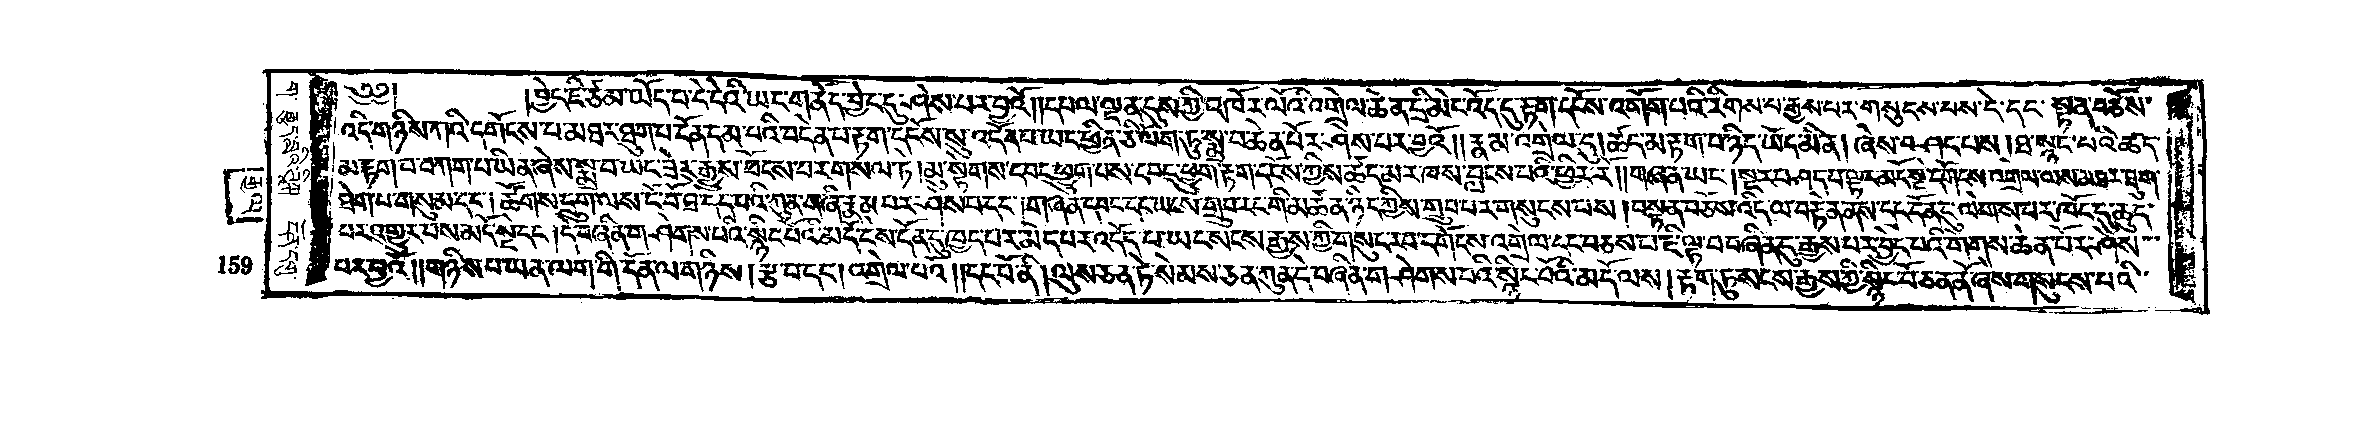༄༅། །བྱེད་ཇི་ཙམ་ཡོད་པ་དེ་དེའི་ཡང་གནོད་བྱེད་དུ་ཤེས་པར་བྱའོ། །དཔལ་ལྡན་དུས་ཀྱི་འཁོར་ལོའི་འགྲེལ་ཆེན་དྲི་མེད་འོད་དུ་རྟག་དངོས་འགོག་པའི་རིགས་པ་རྒྱས་པར་གསུངས་པས་དེ་དང་སྟན་བཅོས་
འདི་གཉིས་ཀའི་དགོངས་པ་མཐར་ཐུག་པ་དོན་དམ་པའི་བདེན་པ་རྟག་དངོས་སུ་འདོན་པ་ཡང་ཕྱིན་ཅི་ལོག་ཏུ་སྨྲ་བ་ཆེན་པོར་ཤེས་པར་བྱའོ། །རྣམ་འགྲེལ་དུ། ཚད་མ་རྟག་པ་ཉིད་ཡོད་མིན། ཞེས་བཤད་པས། ཐ་སྙད་པའི་ཚད་
མ་རྟག་པ་བཀག་པ་ཡིན་ཞེས་སྨྲ་བ་ཡང་ཟེར་རྒྱུས་ཕོངས་པར་གསལ་ཏེ། མུ་སྟེགས་དབང་ཕྱུག་པས་དབང་ཕྱུག་རྟག་དངོས་ཀྱིས་ཚད་མར་ཁས་བླངས་པའི་ཕྱིར་རོ། །གཞན་ཡང་། སྔར་བཤད་པ་ལྟར་མདོ་སྡེ་དགོངས་འགྲེལ་ལས་མཐར་ཐུག་
ཐེག་པ་གསུམ་དང་། ཚོགས་དྲུག་ལས་ངོ་བོ་ཐ་དད་པའི་ཀུན་གཞི་རྣམ་པར་ཤེས་པ་དང་། གཞན་དབང་དང་ཡངས་གྲུབ་རང་གི་མཚན་ཉིད་ཀྱིས་གྲུབ་པར་གསུངས་པས། བསྟན་བཅོས་འདི་ལ་བརྟེན་ནས་དྲང་དོན་དུ་ལེགས་པར་ཁོང་དུ་ཆུད་
པར་འགྱུར་པས་མདོ་སྡེ་དང་། དེ་བཞིན་གཤེགས་པའི་སྙིང་པོའི་མདོ་ངེས་དོན་དུ་ཁྱད་པར་མེད་པར་འདོད་པ་ཡང་སངས་རྒྱས་ཀྱི་གསུང་རབ་དགོངས་འགྲེལ་དང་བཅས་པ་ཇི་ལྟ་བ་བཞིན་དུ་རྒྱས་པར་བྱེད་པའི་གེགས་ཆེན་པོར་ཤེས་
པར་བྱའོ། །གཉིས་པ་ཡན་ལག་གི་དོན་ལ་གཉིས། རྩ་བ་དང་། འགྲེལ་པའོ། །དང་པོ་ནི། ལུས་ཅན་ཏེ་སེམས་ཅན་ཀུན་དེ་བཞིན་གཤེགས་པའི་སྙིང་པོའི་མདོ་ལས། རྟག་ཏུ་སངས་རྒྱས་ཀྱི་སྙིང་པོ་ཅན་ནོ་ཞེས་གསུངས་པའི་